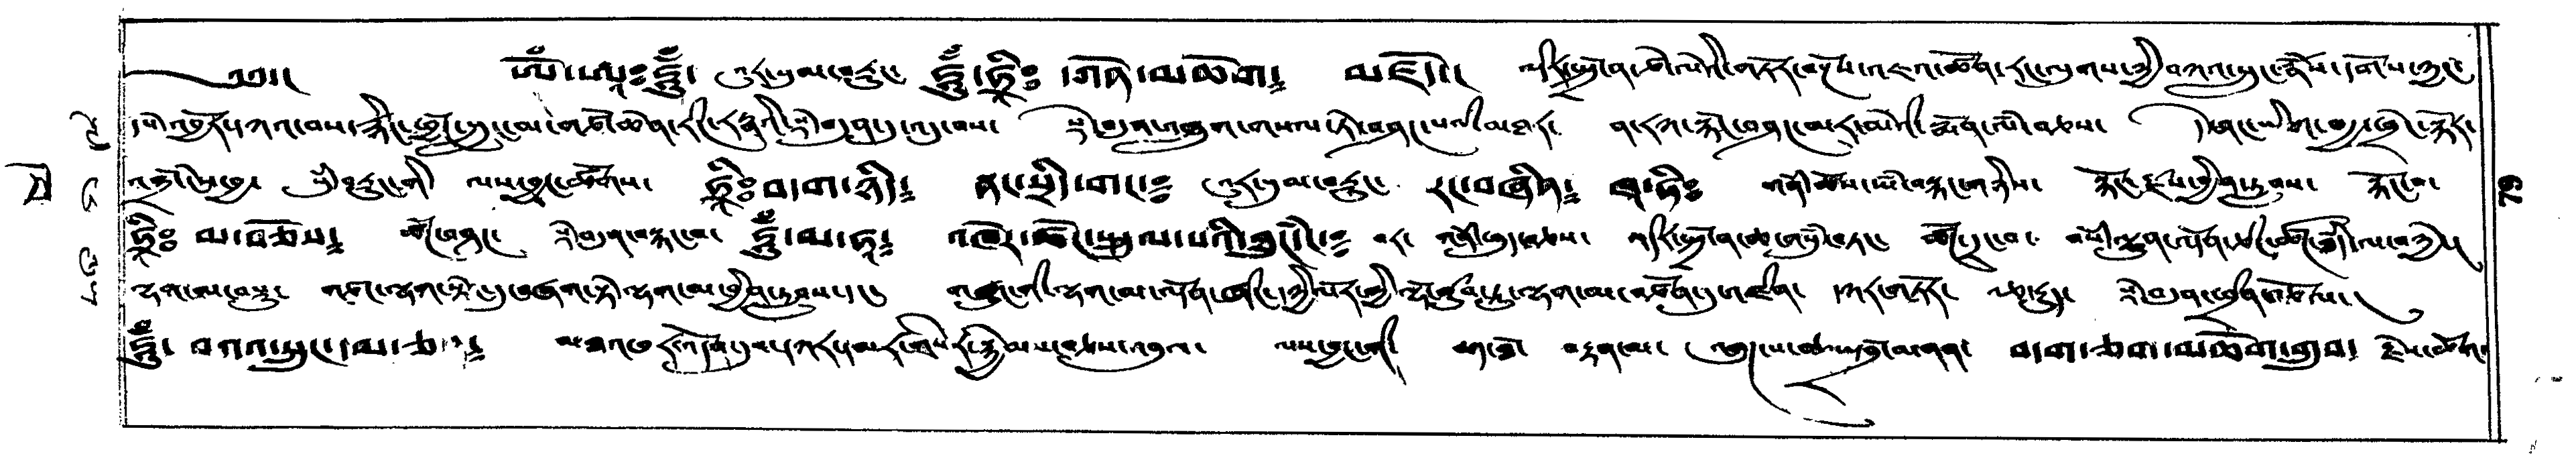ཨོཾ་ཨཱཿཧཱུྃ། འུར་སུམ་བརྡུང་། ཧཱུྃ་ཧྲཱིཿ དཀོན་མཆོག༴ མཛོད། འདིར་སྤྲོ་ན་རྩེ་ལེའི་གཏོར་བསྔོས་འཇའ་ཚོན་རང་ལུགས་ཀྱི་བཀའ་སྲུང་རྣམས་དགོས་ཀྱང་
དཔེ་འབྱོར་དཀའ་བས་རྙིང་ཕྱོགས་སྲུང་མ་གཙོ་ཆེའི་རིགས་རཏྣའི་སྡེ་བདུན་དུ་འདུ་བས། སྡེ་བདུན་འཁྲུགས་པ་བསལ་ཏེ་བཤགས་པའི་མཐར། ན་རཀ་སྐོང་བཤགས་མར་མེའི་སྨོན་ལམ་བཅས། དེ་ནང་ཡིག་བརྒྱ་ཕྲེང་སྐོར་
འགྲོ་་ངེས་བྱ། སུམ་བརྡུང་གིས་ལས་བྱང་ཚོགས། ཧྲཱིཿབདག་ཉིད༴ སྣང་སྲིད་གང༔ འུར་སུམ་བརྡུང་། རང་བཞིན༴ ཁཱ་ཧིཿ གནམ་ཆོས་ཡཾ་བསྐང་གཉིས། སྐོང་རྫས་བྱིན་རླབས། སྐོང་བ་ཧྲཱིཿ མ་བཅོས༴ ཚོགས་བཤགས། སྡེ་བདུན་བསྐང་བ། 
ཧཱུྃ་མ་ཧཱཿ འཁོར་ཚོགས་སྤྲུལ་པའི་ཐུགས་དམ་བསྐང༴ བར་གནམ་ཕུད་བཅས། འདིར་སྤྲོ་ན་ཆ་གསུམ་བཏང་། ཚོགས་དྲང་བ། བསམ་ལྷུན་འདོན་ཅིང་ཚོགས་ཐམས་ཅད་ལ་བཀྱེ། 
ལྷག་མ་བསྡུ། གཙང་ལྷག་སྟེང་དུ་བཞག་སྟེ་ལྷག་མ་བྱིན་བརླབས་དང་། གཞུང་གི་ལྷག་མ་འདོན་ཞིང་དཀྱིལ་འཁོར་གྱི་ལྷོ་ནུབ་ཏུ་ལྷག་མ་བཙོན་དུ་འཛིན། དཀར་གཏོར། རྩ་རྒྱུད། སྡེ་བདུན་ཕྲིན་བཅོལ། 
ཧཱུྃ། བཀའ་སྲུང་དམ་ཅན༴ མཐའ་བར་འདོན་དུས་དཀར་དམར་གསེར་སྐྱེམས་བཅས་འབུལ།ལས་བྱང་གིལཆད་ཐོ། བརྟན་མ། འགུགས་པ་བཅས་བྲོ་མནན། བདག་ཅག་མཆོག་གྲུབ༴ རྗེས་ཆོག